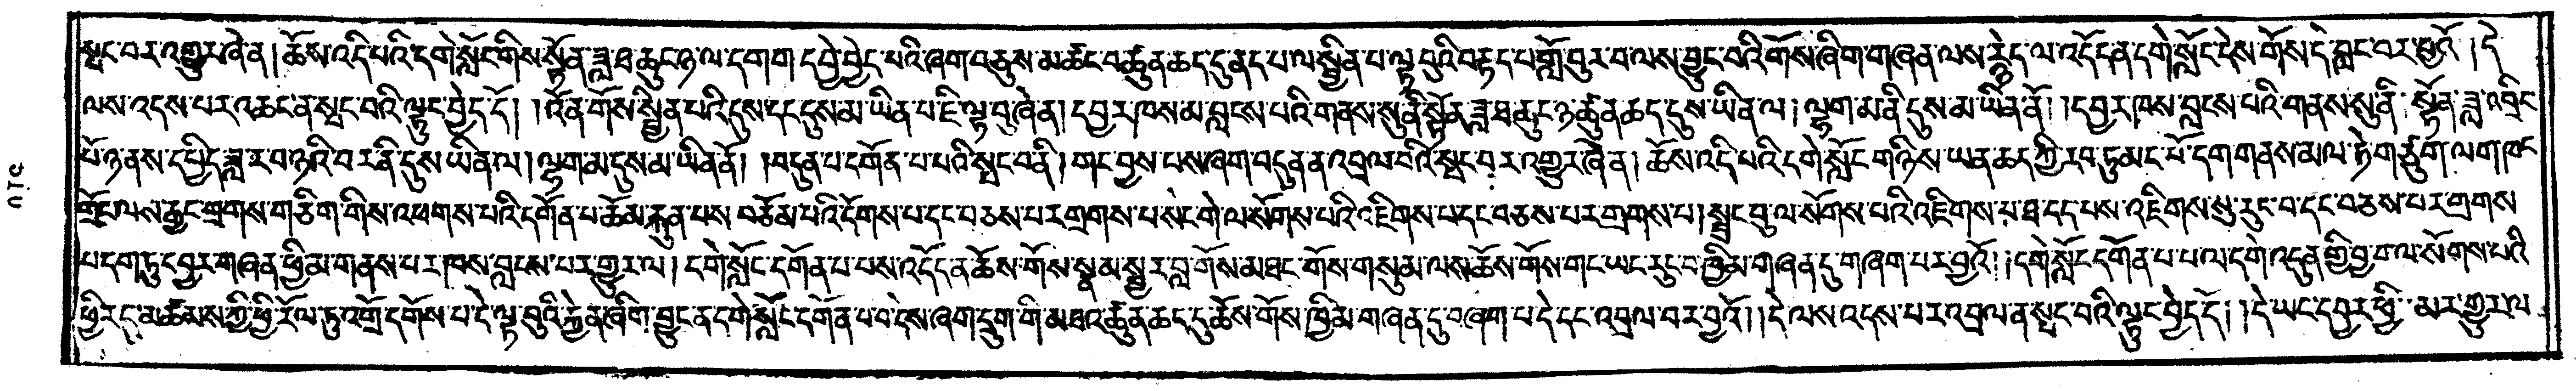སྤང་བར་འགྱུར་ཞེ་ན། ཆོས་འདི་པའི་དགེ་སློང་གིས་སྟོན་ཟླ་ཐ་ཆུང་ཉ་ལ་དགག་དབྱེ་བྱེད་པའི་ཞག་བཅུས་མ་ཚང་བ་ཚུན་ཆད་དུ་ནད་པ་ལ་སྦྱིན་པ་ལྟ་བུའི་བརྟད་པ་གློ་བུར་བ་ལས་བྱུང་བའི་གོས་ཞིག་གཞན་ལས་རྙེད་ལ་འདོད་ན་དགེ་སློང་དེས་གོས་དེ་བླང་བར་བྱའོ། །དེ་
ལས་འདས་པར་འཆང་ན་སྤང་བའི་ལྟུང་བྱེད་དོ། །འོ་ན་གོས་སྦྱིན་པའི་དུས་དང་དུས་མ་ཡིན་པ་ཇི་ལྟ་བུ་ཞེ་ན། དབྱར་ཁས་མ་བླངས་པའི་གནས་སུ་ནི་སྟོན་ཟླ་ཐ་ཆུང་ཉ་ཚུན་ཆད་དུས་ཡིན་ལ། ལྷག་མ་ནི་དུས་མ་ཡིན་ནོ། །དབྱར་ཁས་བླངས་པའི་གནས་སུ་ནི། སྟོན་ཟླ་འབྲིང་
པོ་ཉ་ནས་དཔྱིད་ཟླ་ར་བ་ཉའི་བར་ནི་དུས་ཡིན་ལ། ལྷག་མ་དུས་མ་ཡིན་ནོ། །བདུན་པ་དགོན་པ་པའི་སྤང་བ་ནི། གང་བྱས་པས་ཞག་བདུན་ན་འབྲལ་བའི་སྤང་བར་འགྱུར་ཞེ་ན། ཆོས་འདི་པའི་དགེ་སློང་གཉིས་ཡན་ཆད་ཀྱི་རབ་ཏུ་མང་པོ་དག་གནས་མལ་ཏེ་གཙུག་ལག་ཁང་
གྲོང་ལས་རྒྱང་གྲགས་གཅིག་གིས་འཕགས་པའི་དགོན་པ་ཆོམ་རྐུན་པས་བཅོམ་པའི་དོགས་པ་དང་བཅས་པར་གྲགས་པ་སེང་གེ་ལ་སོགས་པའི་འཇིགས་པ་དང་བཅས་པར་གྲགས་པ། སྦྲང་བུ་ལ་སོགས་པའི་འཇིགས་པ་ཐ་དད་པས་འཇིགས་སུ་རུང་བ་དང་བཅས་པར་གྲགས་
པ་དག་ཏུ་དབྱར་གཞན་ཕྱི་མ་གནས་པར་ཁས་བླངས་པར་གྱུར་ལ། དགེ་སློང་དགོན་པ་པས་འདོད་ན་ཆོས་གོས་སྣམ་སྦྱར་བླ་གོས་མཐང་གོས་གསུམ་ལས་ཆོས་གོས་གང་ཡང་རུང་བ་ཁྱིམ་གཞན་དུ་གཞག་པར་བྱའོ། །དགེ་སློང་དགོན་པ་པ་ལ་དགེ་འདུན་གྱི་བྱ་བ་ལ་སོགས་པའི་
ཕྱིར་དུ་མཚམས་ཀྱི་ཕྱི་རོལ་ཏུ་འགྲོ་དོགས་པ་དེ་ལྟ་བུའི་རྐྱེན་ཞིག་བྱུང་ན་དགེ་སློང་དགོན་པ་བ་དེས་ཞག་དྲུག་གི་མཐའ་ཚུན་ཆད་དུ་ཆོས་གོས་ཁྱིམ་གཞན་དུ་བཞག་པ་དེ་དང་འབྲལ་བར་བྱའོ། །དེ་ལས་འདས་པར་འབྲལ་ན་སྤང་བའི་ལྟུང་བྱེད་དོ། །དེ་ཡང་དབྱར་ཕྱི་མར་གྱུར་ལ་